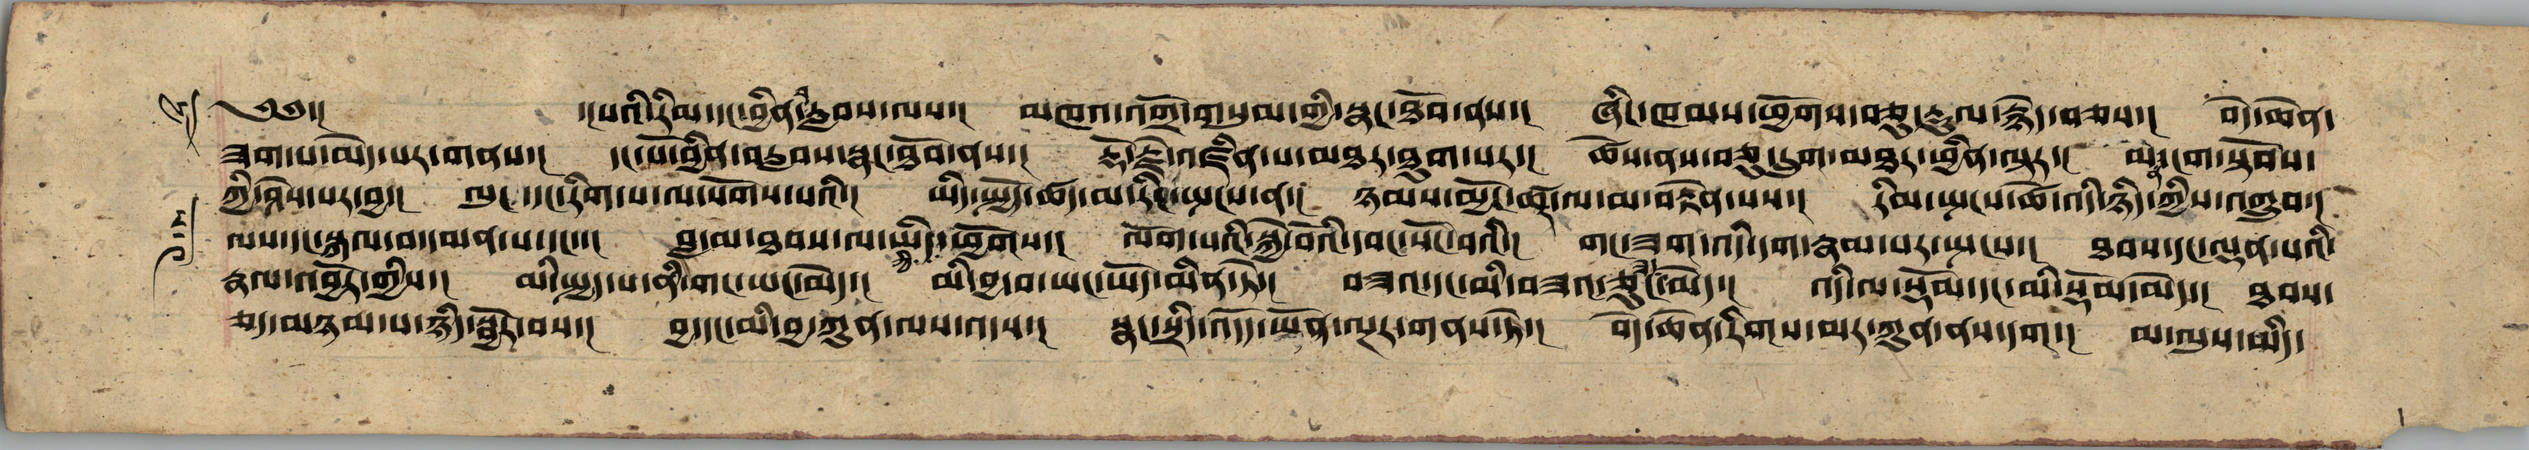༄༅་། ་།པའི་རིམ་དང་བྱིན་བརླབས་ལས་། མཁའ་འགྲོ་གསུམ་གྱི་སྣང་ཐོབ་ནས་། ཞིང་ཁམས་ཕྱོགས་བཅུ་རྡུལ་རྙེད་བཅས་། བདེ་ཆེན་
ཟག་པ་མེད་པར་གནས་། དང་པོ་བྱིན་བརླབས་སྣང་ཐོབ་ནས་། རྡོ་རྗེ་འཛིན་པ་མཐར་ཐུག་པར་། ཚེས་ནས་བཅུ་དྲུག་མཐར་ཕྱིན་ལྟར་། མན་ངག་སྟོབས་
ཀྱི་ཤེས་པར་བྱ་། ལུང་དང་རིག་པ་ལ་སོགས་པའི་། ཡིད་སྤྱོད་ཚད་མ་རིང་སྤངས་ན་། ཉམས་མྱོང་ཚ་ལ་མ་བརྟེན་པས་། རིམ་སྤངས་ཚེ་འདི་ཉིད་ཀྱིས་འགྲུབ་།
ལས་དང་སྐལ་བ་དམན་པ་དང་་། བླ་མ་ཐབས་ལ་ཡིད་ཀྱི་ཕྱོགས་། ལོག་པའི་སྐྱེ་བོའི་དབང་སོང་བའི་། གང་ཟག་འདི་དག་རྣམ་པར་སྤངས་། ཐབས་དང་ལྡན་པའི་
རྣལ་འབྱོར་གྱིས་། མི་སྤྱད་པ་ནི་གང་ཡང་མེད་། མི་བྱ་བ་ཡང་ཡོད་མིན་ཏེ་། བཟའ་དང་མི་བཟའ་ཅུང་ཟད་མེད་། འདི་ལ་སྡོམ་དང་མི་སྡོམ་མེད་། ཐབས་
ཅད་མཉམ་པ་ཉིད་སྦྱོར་བས་། བྱ་དང་མི་བྱ་ཀུན་ལས་འདས་། སྣང་སྲིད་འདོད་ཡོན་ལྔར་གནས་ཏེ་། བདེ་ཆེན་རིགས་མར་ཀུན་ནས་དག་། མ་ལུས་ཡིད་